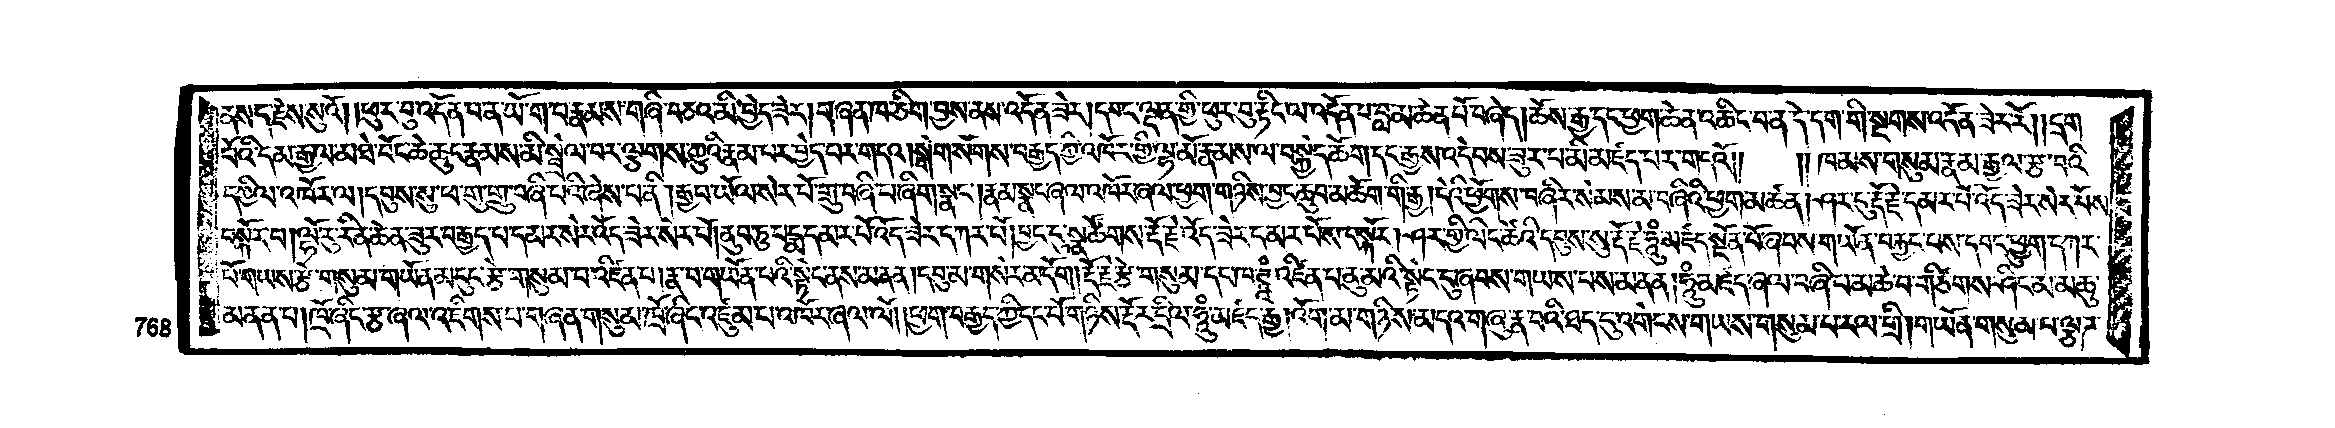ནས་ད་རྗེས་སུའོ། །ཕུར་བུ་འདེན་པ་ན་ཡོ་ག་པ་རྣམས་གཞི་བཅའ་མི་བྱེད་ཟེར། གཞན་ཁ་ཅིག་བྱས་ནས་འདོན་ཟེར། དབང་ལྡན་གྱི་ཕུར་བུ་རྟིང་ལ་འདོན་པ་བླ་མ་ཆེན་པོ་བཞེད། ཆོས་རྒྱ་དང་ཕྱག་ཆེན་འཆིང་བ་ན་དེ་དག་གི་སྔགས་འདོན་ཟེར་རོ། །དྲག་
པོའི་དམ་རྒྱ་ལ་མཐེ་བོང་ཆེ་ཆུང་རྣམས་མི་སྦྲེལ་བར་ལྕགས་ཀྱུའི་རྣམ་པར་བྱེད་པར་གདའ། སྒེག་སོགས་བརྒྱད་ཀྱི་འཁོར་གྱི་ལྷ་མོ་རྣམས་ལ་བསྐྱེད་ཆོག་དང་རྒྱས་འདེབས་ཟུར་པ་མི་མཛད་པར་གདའོ།། །།ཁམས་གསུམ་རྣམ་རྒྱལ་རྩ་བའི་
དཀྱིལ་འཁོར་ལ། དབུས་སུ་ཕ་གུ་གྲུ་བཞི་པའི་ཞེས་པ་ནི། རྒྱབ་ཡོལ་སེར་པོ་གྲུ་བཞི་པ་ཞིག་སྣང་། རྣམ་སྣང་ཞལ་འཁོར་ཞལ་ཕྱག་གཉིས་བྱང་ཆུབ་མཆོག་གི་རྒྱ། དེའི་ཕྱོགས་བཞིར་སེམས་མ་བཞིའི་ཕྱག་མཚན། ཤར་དུ་རྡོ་རྗེ་དམར་པོ་འོད་ཟེར་སེར་པོས་
བསྐོར་བ། ལྷོ་རུ་རིན་ཆེན་ཟུར་བརྒྱད་པ་དམར་སེར་འོད་ཟེར་སེར་པོ། ནུབ་ཏུ་པདམ་དམར་པོ་འོད་ཟེར་དཀར་པོ། བྱང་དུ་སྣ་ཚོགས་རྡོ་རྗེ་འོད་ཟེར་དམར་པོས་བསྐོར། ཤར་གྱི་ལིང་ཚེའི་དབུས་སུ་རྡོ་རྗེ་ཧཱུཾ་མཛད་སྔོན་པོ་ཞབས་གཡོན་བརྐྱང་པས་དབང་ཕྱུག་དཀར་
པོ་གཡས་རྩེ་གསུམ་གཡོན་མདུང་རྩེ་གསུམ་པ་འཛིན་པ། རྣ་བ་གཡོན་པའི་སྟེང་ནས་མནན། དབུ་མ་གསེར་མདོག །རྡོ་རྗེ་རྩེ་གསུམ་དང་ཁ་ཊྭཱཾ་འཛིན་པ་ནུ་མའི་སྟེང་དུ་ཞབས་གཡས་པས་མནན། ཧཱུཾ་མཛད་ཞལ་བཞི་པ་མཆེ་བ་གཙིགས་ཤིང་མ་མཆུ་
མནན་པ། ཁྲོ་ཞིང་རྩ་ཞལ་འཇིགས་པ་གཞན་གསུམ་ཁྲོ་ཞིང་འཛུམ་པ་འཁོར་ཞལ་ལོ། །ཕྱག་བརྒྱད་ཀྱི་དང་པོ་གཉིས་རྡོར་དྲིལ་ཧཱུཾ་མཛད་རྒྱ། འོག་མ་གཉིས་མདའ་གཞུ་རྣ་བའི་ཐད་དུ་འགེངས་གཡས་གསུམ་པ་རལ་གྲི། གཡོན་གསུམ་པ་ལྕགས་